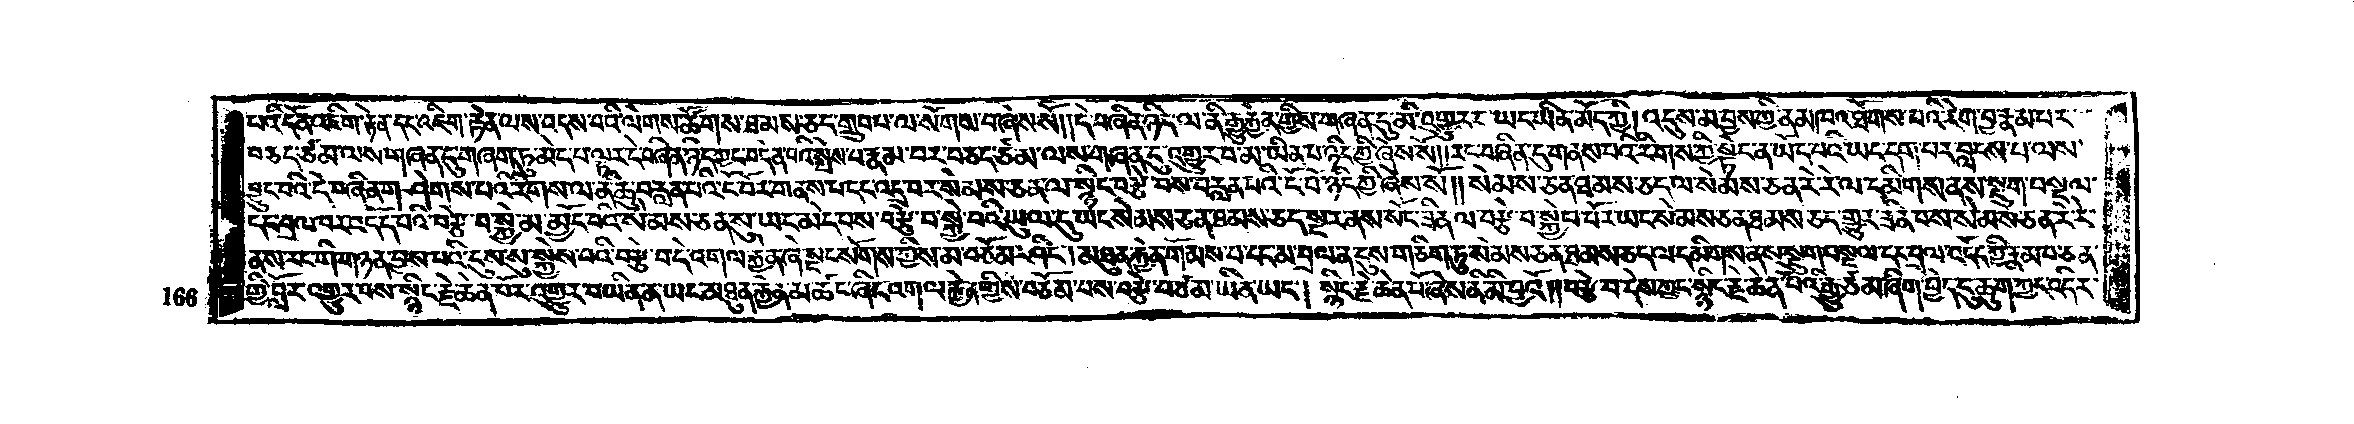པའི་དོན་འཇིག་རྟེན་དང་འཇིག་རྟེན་ལས་འདས་པའི་ལེགས་ཚོགས་ཐམས་ཅད་གྲུབ་པ་ལ་སོགས་པ་ཞེས་སོ། །དེ་བཞིན་ཉིད་ལ་ནི་རྒྱུ་རྐྱེན་གྱིས་གཞན་དུ་མི་འགྱུར་བ་ཡང་ཡིན་མོད་ཀྱི། འདུས་མ་བྱས་ཀྱི་ནམ་མཁའ་ཐོགས་པའི་རེག་བྱ་རྣམ་པར་
བཅད་ཙམ་ལས་གཞན་དུ་གཞག་ཏུ་མེད་པ་ལྟར་དེ་བཞིན་ཉིད་ཀྱང་བདེན་པའི་སྤེས་པ་རྣམ་པར་བཅད་ཙམ་ལས་གཞན་དུ་འགྱུར་བ་མ་ཡིན་པ་ཉིད་ཀྱི་ཞེས་སོ། །རང་བཞིན་དུ་གནས་པའི་རིགས་ཀྱི་སྟེང་ན་ཡོད་པའི་ཡང་དག་པར་བླངས་པ་ལས་
བྱུང་བའི་དེ་བཞིན་གཤེགས་པའི་རིགས་ལ་ནི་ཆུ་བརླན་པའི་ངོ་བོར་གནས་པ་དང་འདྲ་བར་སེམས་ཅན་ལ་སྙིང་བརྩེ་བས་བརླན་པའི་ངོ་བོ་ཉིད་ཀྱི་ཞེས་སོ། །སེམས་ཅན་ཐམས་ཅད་ལ་སེམས་ཅན་རེ་རེ་ལ་དམིགས་ནས་སྡུག་བསྔལ་
དང་བྲལ་བར་འདོད་པའི་བརྩེ་བ་སྐྱེ་མ་མྱོང་བའི་སེམས་ཅན་སུ་ཡང་མེད་པས་བརྩེ་བ་སྐྱེ་བའི་ཡུལ་དུ་ཡང་སེམས་ཅན་ཐམས་ཅད་སྔར་ནས་སོང་ཟིན་ལ་བརྩེ་བ་སྐྱེ་བ་པོར་ཡང་སེམས་ཅན་ཐམས་ཅད་གྱུར་ཟིན་པས་སེམས་ཅན་རེ་རེ་
ནས་རང་གི་གཉན་བྱས་པའི་དུས་སུ་སྐྱེས་པའི་བརྩེ་བ་དེ་འགལ་རྐྱེན་ཞེ་སྡང་སོགས་ཀྱིས་མ་བཅོམ་ཤིང་། མཐུན་རྐྱེན་གོམས་པ་དང་མ་བྲལ་ན་དུས་གཅིག་ཏུ་སེམས་ཅན་ཐམས་ཅད་ལ་དམིགས་ནས་སྡུག་བསྔལ་དང་བྲལ་འདོད་ཀྱི་རྣམ་པ་ཅན་
གྱི་བློར་འགྱུར་བས་སྙིང་རྗེ་ཆེན་པོར་འགྱུར་བ་ཡིན་ན་ཡང་མཐུན་རྐྱེན་མཚང་ཞིང་འགལ་རྐྱེན་གྱིས་བཅོམ་པས་བརྩེ་བ་ཙམ་ཡིན་ཡང་། སྙིང་རྗེ་ཆེན་པོ་ཞེས་ནི་མི་བྱའོ། །བརྩེ་བ་དེས་ཀྱང་སྙིང་རྗེ་ཆེན་པོའི་རྒྱུ་ཙམ་ཞིག་བྱེད་དུ་ཆུག་ཀྱང་འདིར་